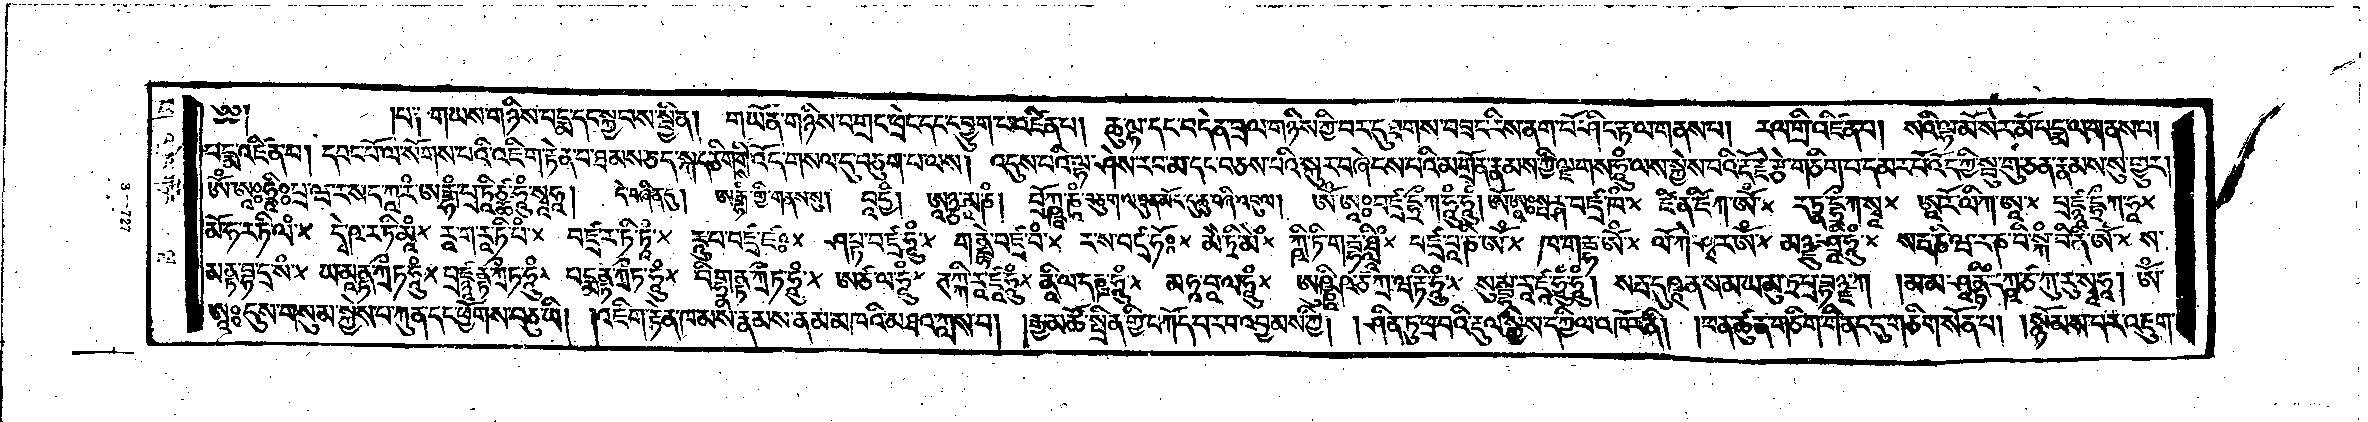༄༅། །པ༑ གཡས་གཉིས་པདམ་དང་སྐྱབས་སྦྱིན། གཡོན་གཉིས་བགྲང་ཕྲེང་དང་དབྱུག་པ་འཛིན་པ། ཆུ་ལྷ་དང་བདེན་བྲལ་གཉིས་ཀྱི་བར་དུ་ཐགས་བཟང་རིས་ནག་པོ་ཤིང་རྟ་ལ་གནས་པ། རལ་གྲི་འཛིན་པ། སའི་ལྷ་མོ་སེར་མོ་པདམ་ལ་གནས་པ།
པདམ་འཛིན་པ། དབང་པོ་ལ་སོགས་པའི་འཇིག་རྟེན་པ་ཐམས་ཅད་སྐད་ཅིག་གིས་འོད་གསལ་དུ་བཅུག་པ་ལས། འདུས་པའི་ལྷ་ཤེས་རབ་མ་དང་བཅས་པའི་སྐུར་བཞེངས་པའི་མགྲོན་རྣམས་ཀྱི་ལྗགས་ཧཱུཾ་ལས་སྐྱེས་བའི་རྡོ་རྗེ་རྩེ་གཅིག་པ་དམར་བོ་འོད་ཀྱི་སྦུ་གུ་ཅན་རྣམས་སུ་གྱུར།
ཨོཾ་ཨཱཿཧྲཱིཿཔྲ་ཝ་ར་སད་ཀླ་རཾ་ཨརྒྷཾ་པྲ་ཏཱི་ཙྪ་ཧཱུཾ་སྭཱཧཱ། དེ་བཞིན་དུ། ཨརྒྷཾ་གྱི་གནས་སུ།  བཱདྱཱཾ། ཨཱཉྩ་མཱ་ཎཾ། བྲོཀྵཱ་ཎཱཾ་བཅུག་ལ་ཐུན་མོང་དུ་ཆུ་བཞི་འབུལ།  ཨོཾ་ཨཱཿབཛྲ་དྷྲྀ་ཀ་ཧཱུཾ་ཧཱུཾ། ཨོཾ་ཨཱཿསྦརྴ་བཛྲ་ཁཾ་྾་ཛི་ན་ཛི་ཀ་ཨོཾ་྾་རཏྣ་དྷྲཱྀ་ཀ་སྭཱ་྾་ཨཱ་རོ་ལི་ཀ་ཨཱ་྾་པྲ་ཛྙཱ་དྷྲྀ་ཀ་ཧཱ་྾་
མོ་ཧ་ར་ཏི་ལཾ་྾་དྭེ་ཥ་ར་ཏི་མཱཾ་྾་རཱ་ག་རཱ་ཏི་པཾ་྾་བཛྲ་ར་ཏི་ཏཱཾ་྾་རཱུ་པ་བཛྲ་ཛཿ ྾་ཤཔྟ་བཛྲ་ཧཱུཾ་྾་གནྡྷེ་བཛྲ་བཾ་྾་ར་ས་བཛྲ་ཧོཿ ྾་མཻ་ཏྲི་མེཾ་྾་ཀྵི་ཏི་གརྦྷ་ཐིལཱིཾ་྾་བཛྲ་བཱ་ཎི་ཨོཾ་྾་ཁ་གརྦྷ་ཨོཾ་྾་ལོ་ཀེ་ཤྭར་ཨོཾ་྾་མཉྫུ་ཤྲཱི་ཧཱུཾ་྾་སརྦ་ཎི་ཝ་ར་ཎ་བི་སྐཾ་བི་ནི་ཨོཾ་྾་ས་
མནྟ་བྷ་དྲ་སཾ་྾་ཡམཱ་ནྟ་ཀྲྀ་ཏ་ཧཱུཾ་྾་པྲཛྙཱ་ནྟ་ཀྲྀ་ཏ་ཧཱུཾ་྾་པདམ་ནྟ་ཀྲྀ་ཏ་ཧཱུཾ་྾་བིགྷྣནྟ་ཀྲྀ་ཏ་ཧཱུཾ་྾་ཨ་ཙ་ལ་ཧཱུཾ་྾་ཊཀྐི་རཱ་ཛཱ་ཧཱུཾ་྾་ནཱི་ལ་དཎྜ་ཧཱུཾ་྾་མཧཱ་བཱ་ལ་ཧཱུཾ་྾་ཨུཥྞཱི་ཥ་ཙི་ཀྲ་ཝ་རྟི་ཧཱུཾ་྾་སུ་མྦྷ་རཱ་ཛཱ་ཧཱུཾ་ཧཱུཾ། སརྦ་དུཥྚ་ན་ས་མ་ཡ་མུ་ཏྲ་བྷ་ཉྫ་ཀ །མ་མ་ཤཱནྟིཾ་དཀྵ་ཙ་ཀུ་རུ་སྭཱཧཱ། ཨོཾ་
ཨཱཿ དུས་གསུམ་སྐྱེས་པ་ཀུན་དང་ཕྱོགས་བཅུ་ཡི། །འཇིག་རྟེན་ཁམས་རྣམས་ནམ་མཁའི་མཐའ་ཀླས་པ། །རྒྱ་མཚོ་སྤྲིན་གྱི་བཀོད་པ་རབ་འབྱམས་ཀྱི། །ཤིན་ཏུ་ཕྲ་བའི་རྡུལ་སྐྱེས་དཀྱིལ་འཁོར་ནི། །ཕན་ཚུན་གཅིག་གི་ནང་དུ་གཅིག་སོན་པ། །སྙོམས་བར་འཇུག་